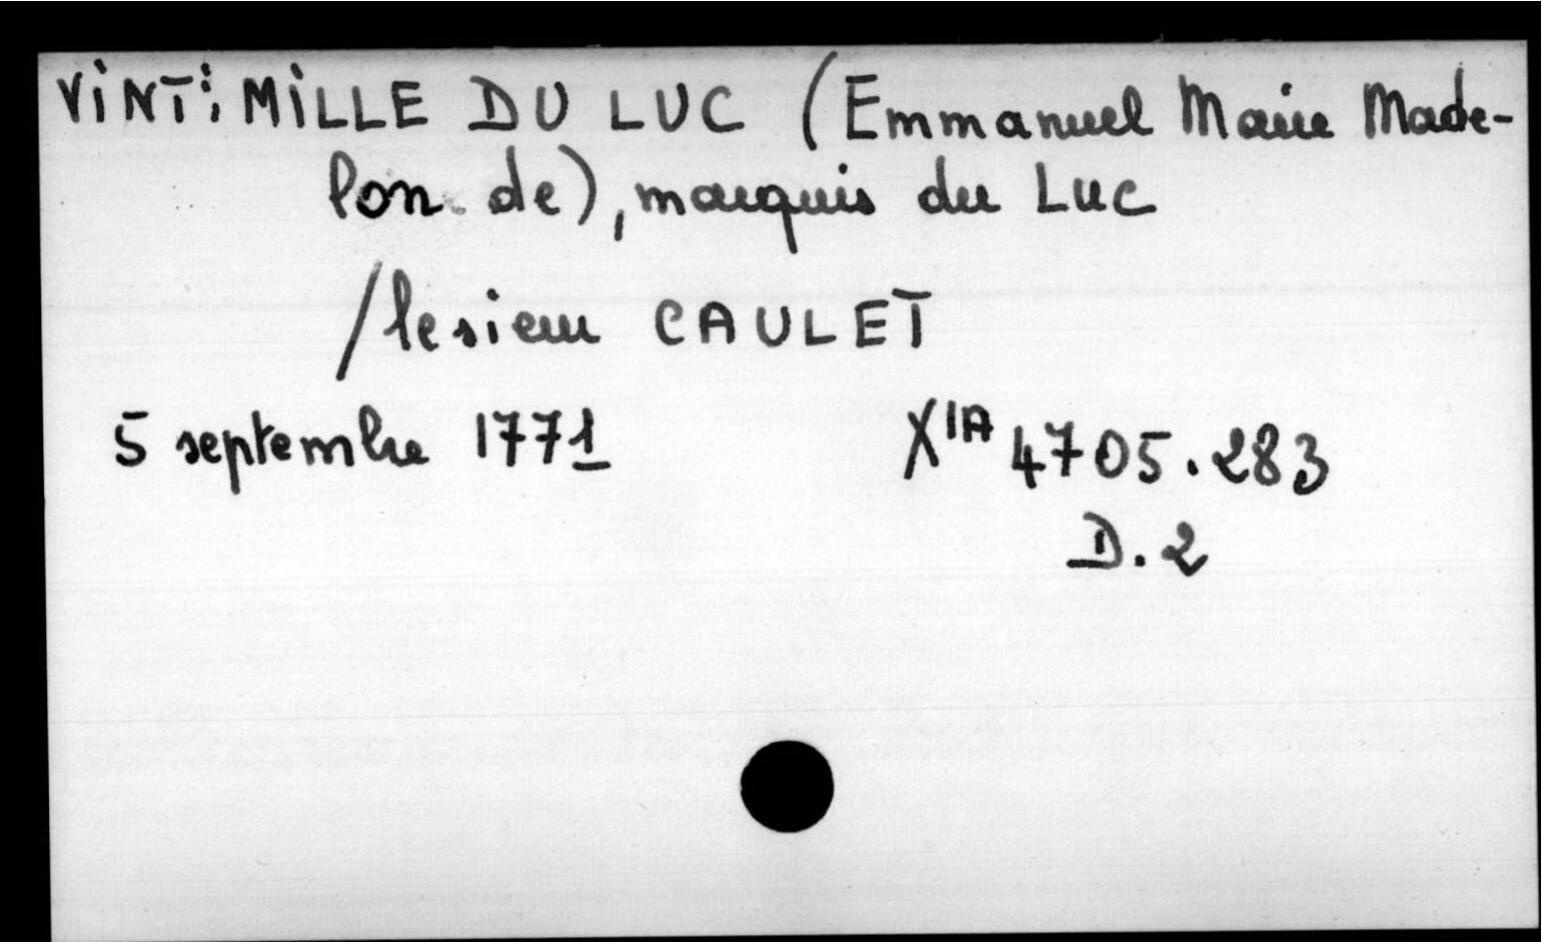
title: VINTIMILLE DU LUC (Emmanuel maire Madelon de), marquis du Luc
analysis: Contre le sieur CAULET
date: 5 septembre 1771
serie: X1A
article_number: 4705
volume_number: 283 Défauts, 2
